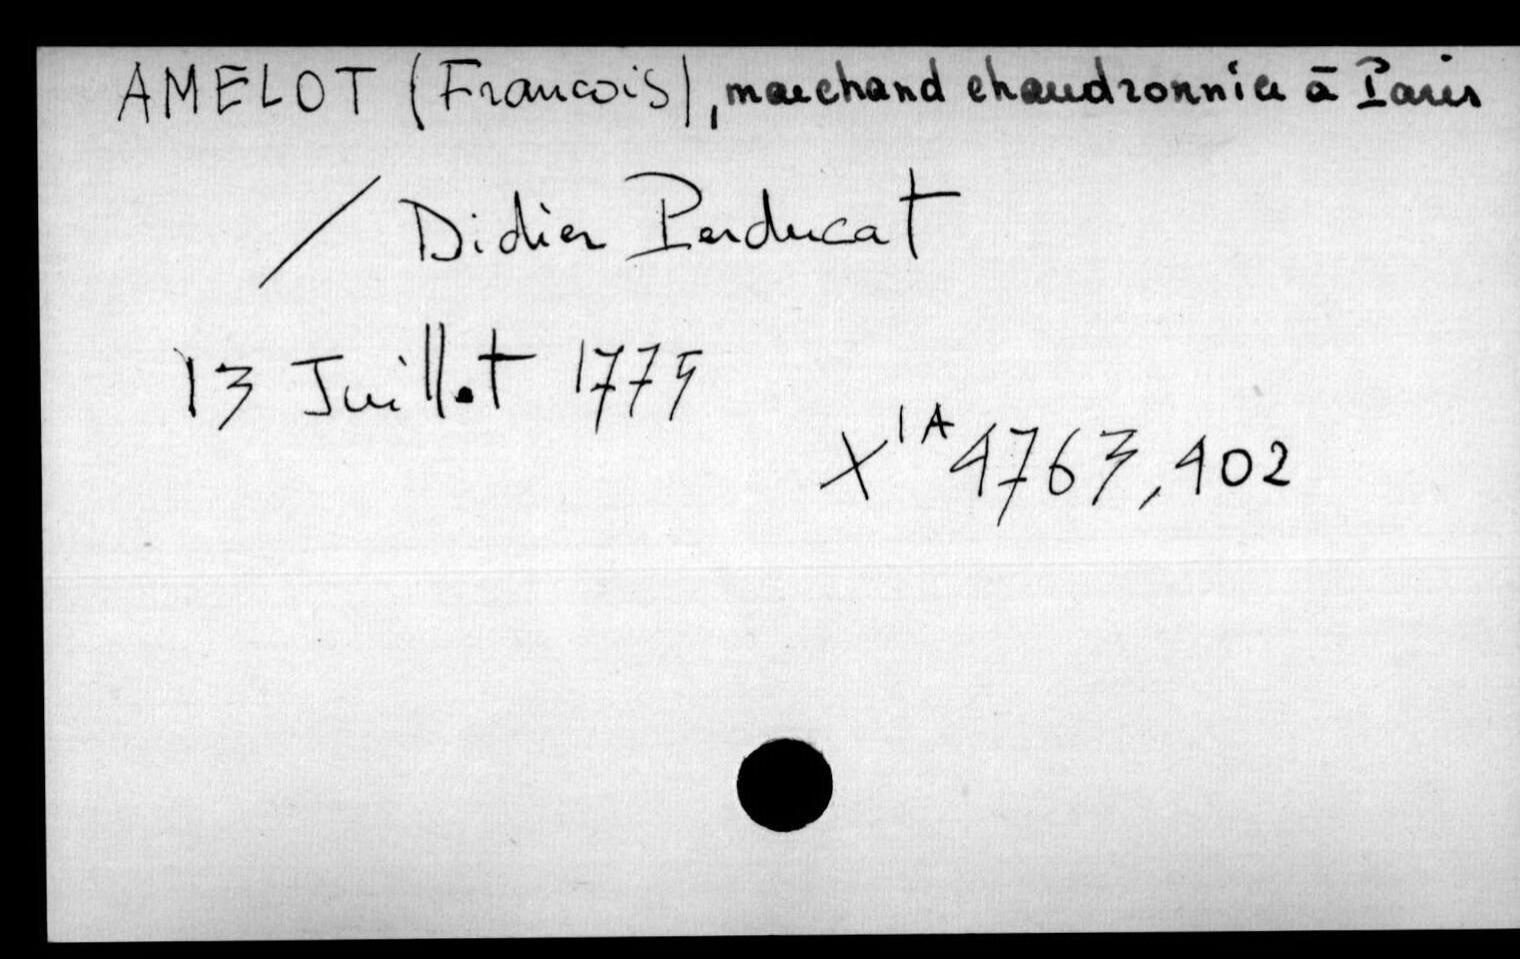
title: AMELOT (François), marchand chaudronnier à Paris
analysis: Contre Didier Perducat
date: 13 juillet 1775
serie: X1A
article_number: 4763
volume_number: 402
